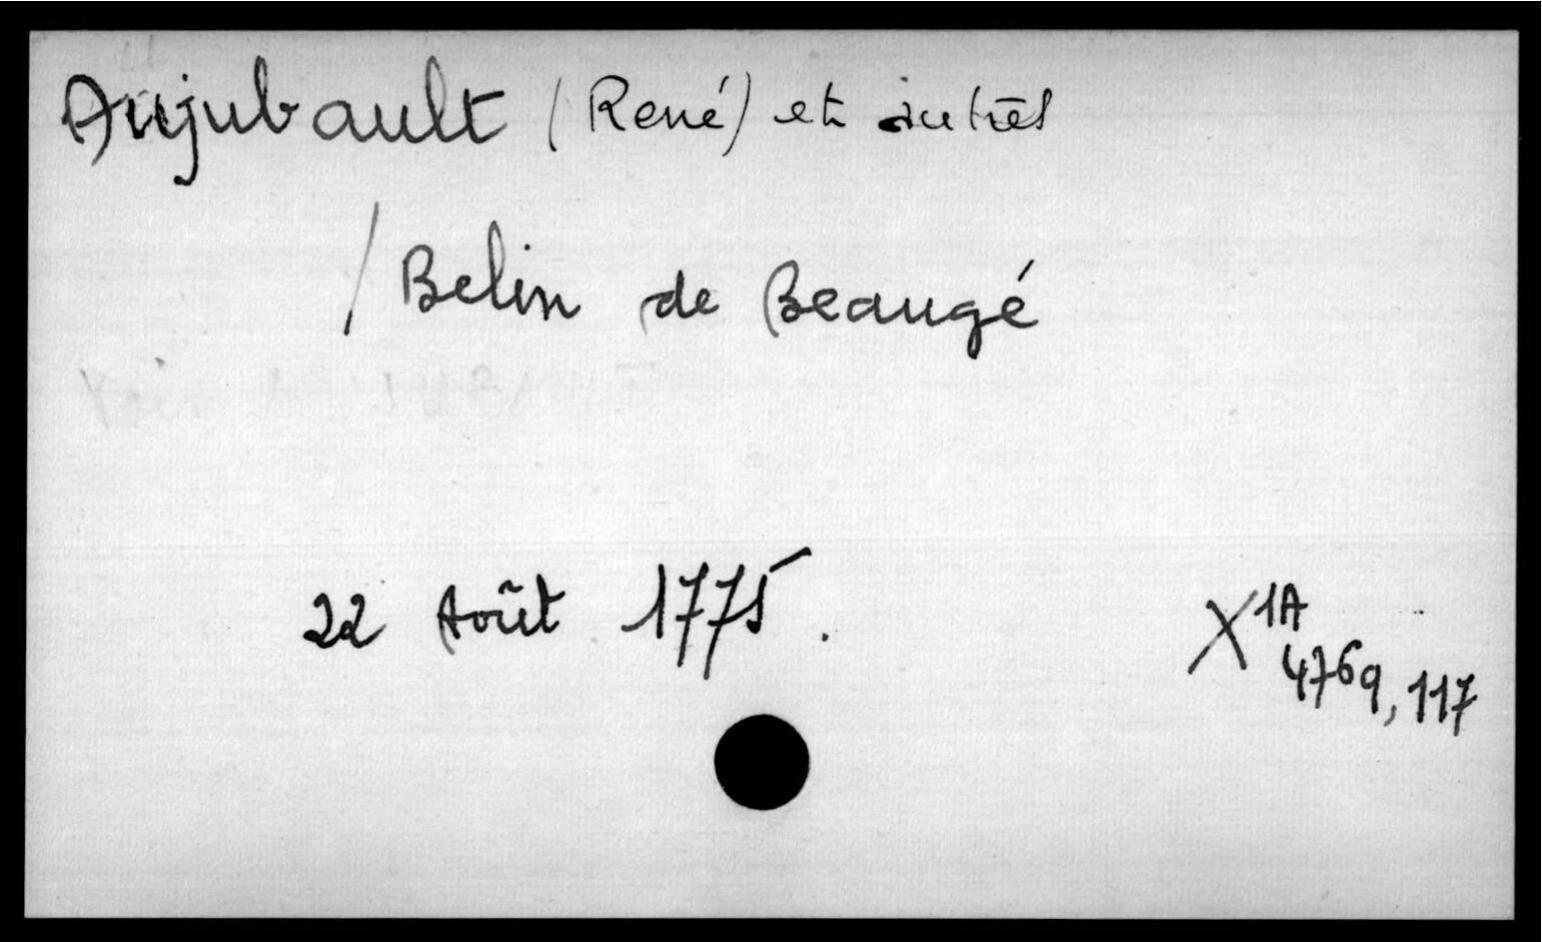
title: AUJUBAULT (René) et autres
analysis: Contre Belin de Beaugé
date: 22 août 1775
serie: X1A
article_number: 4769
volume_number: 117
